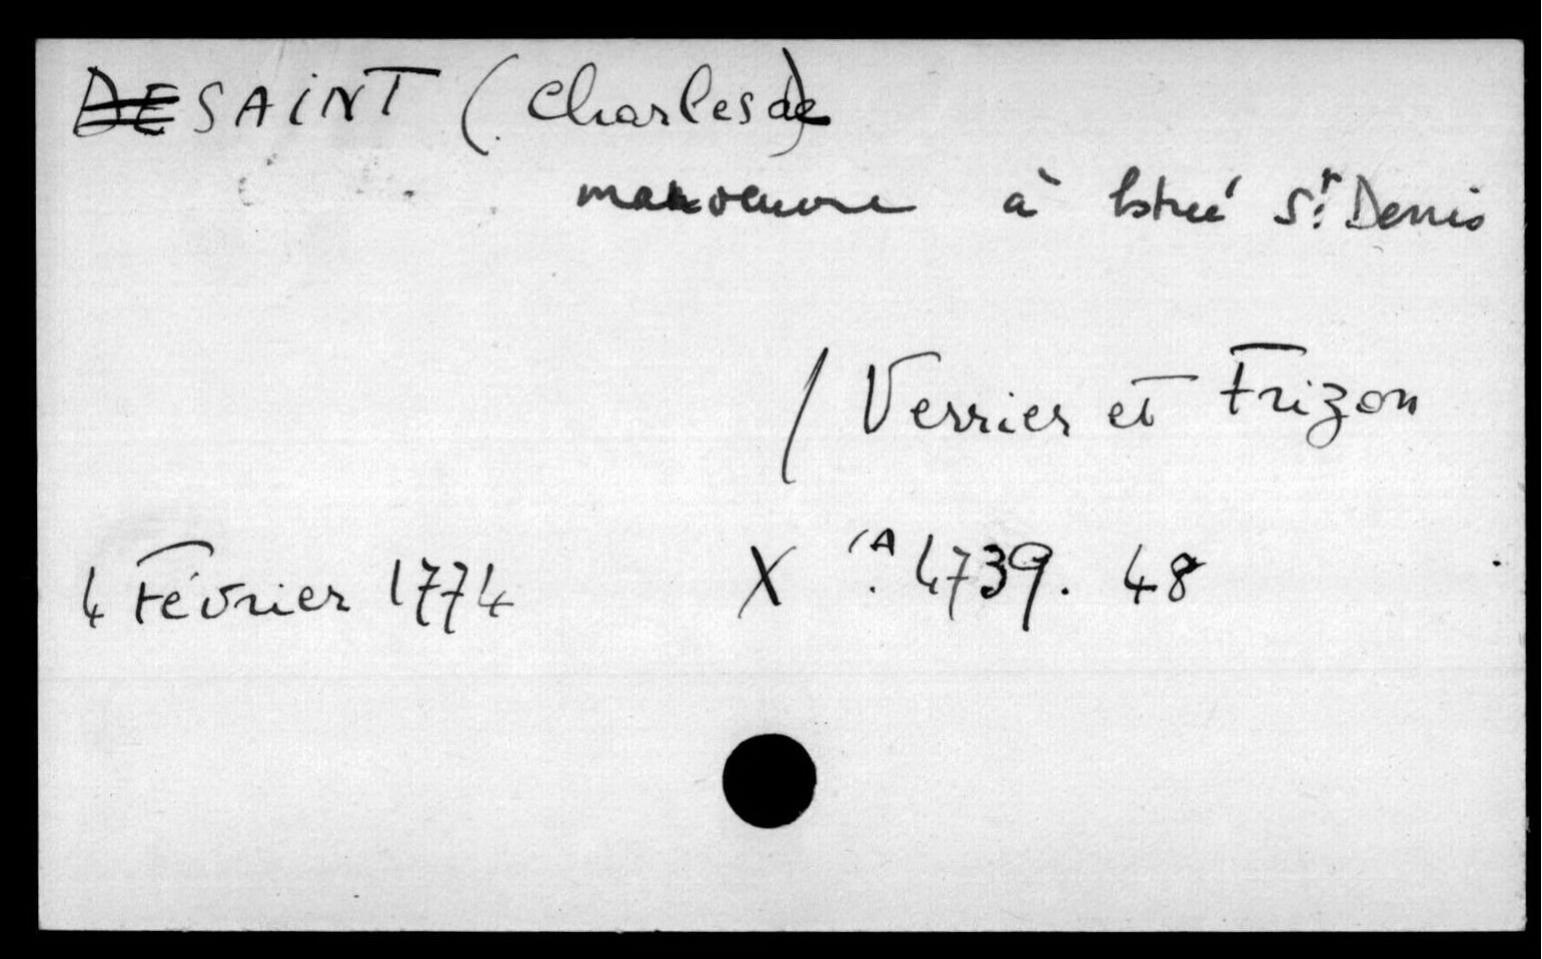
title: SAINT (Charles de) manoeuvre à Estrée Saint-Denis
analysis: Contre Verrier et Frizon
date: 4 février 1774
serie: X1A
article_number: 4739
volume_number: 48
